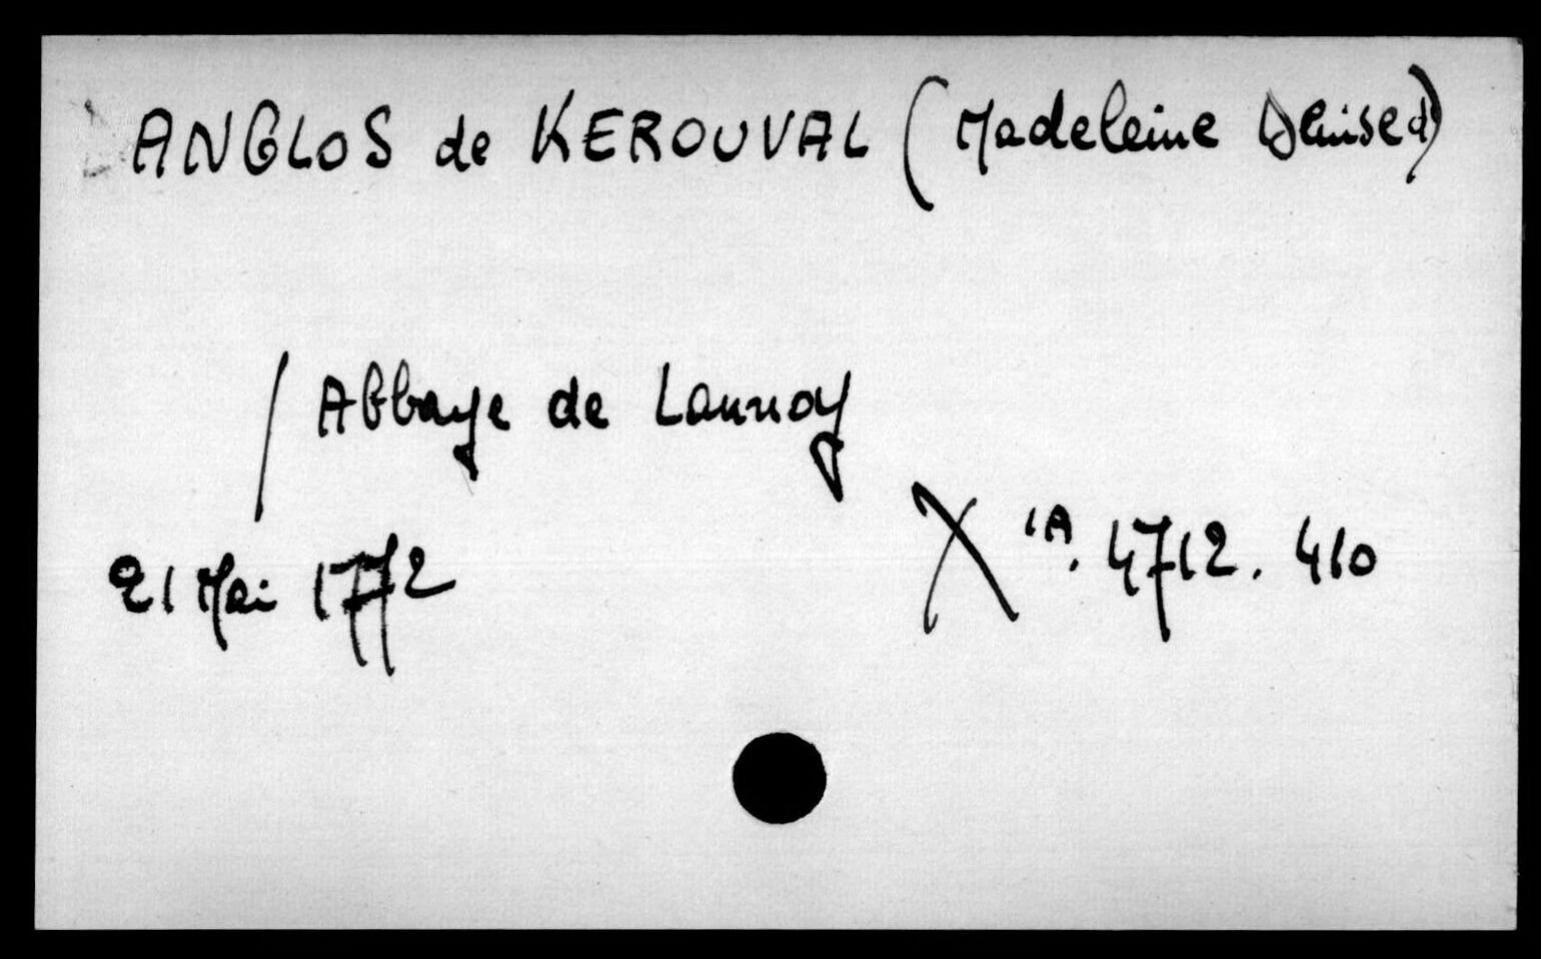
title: ANGLOS de KEROUVAL (Madeleine Denise d')
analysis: Contre Abbaye de Launoy
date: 21 mai 1772
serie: X1A
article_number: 4712
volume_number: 410
